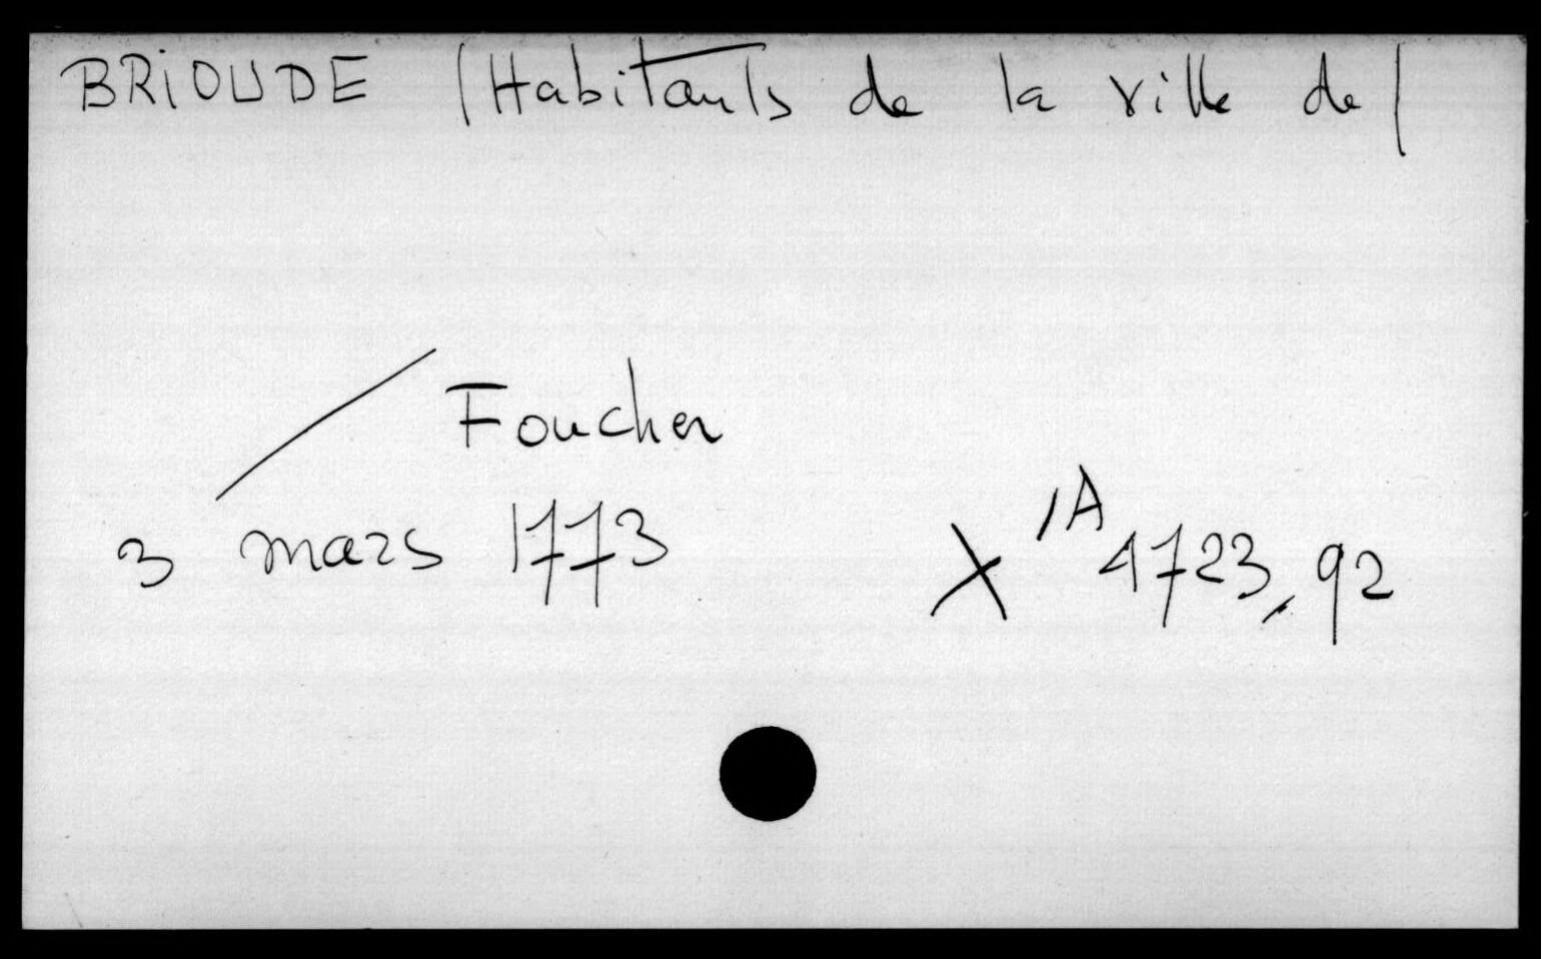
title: BRIOUDE (Habitants de la ville de)
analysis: Contre Foucher
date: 3 mars 1773
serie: X1A
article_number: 4723
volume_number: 92
